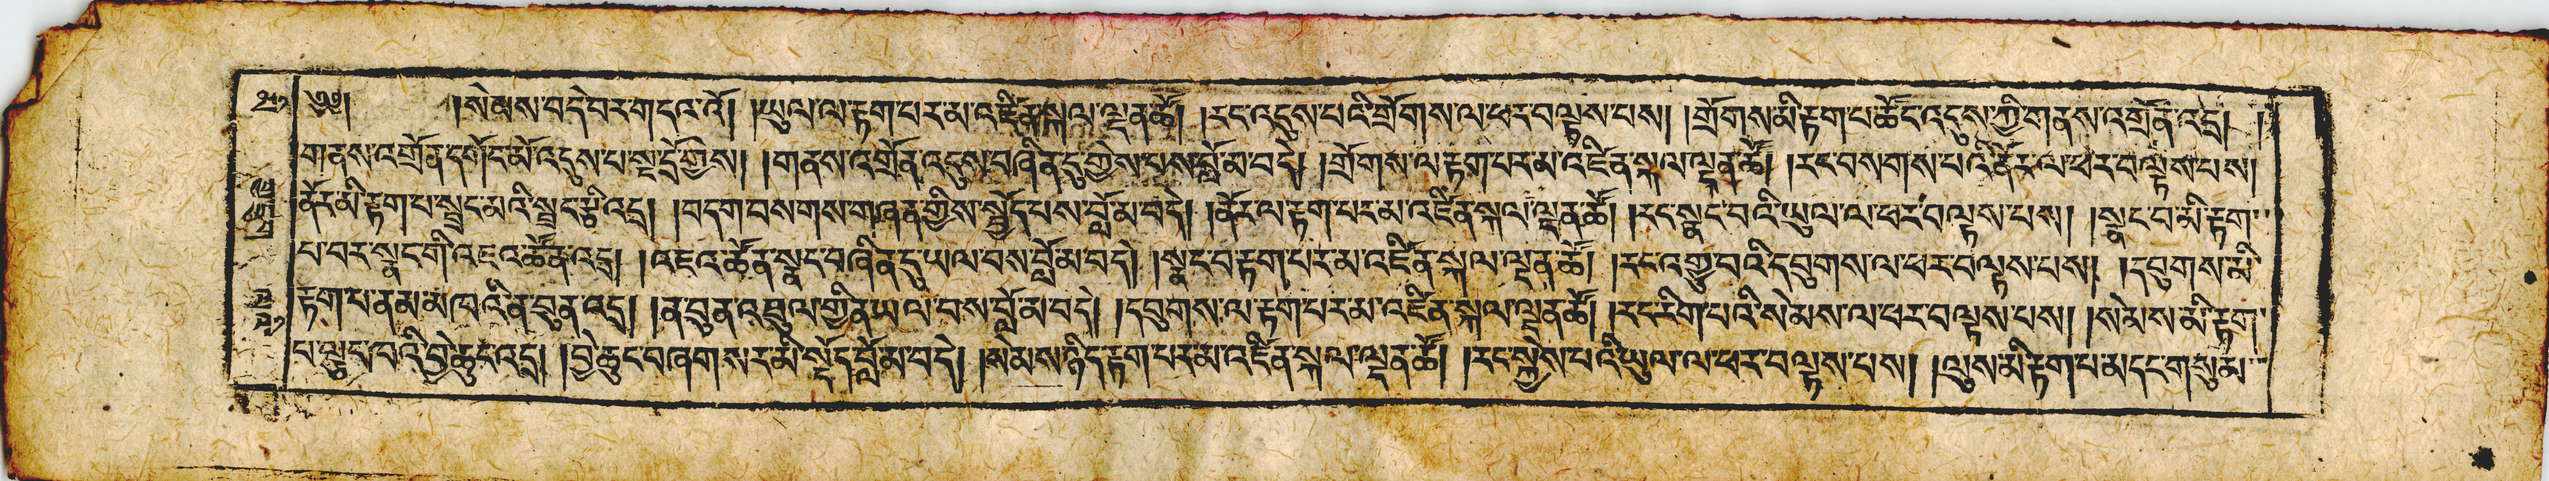སེམས་བདེ་བར་གདའ་འོ། །ཡུལ་ལ་རྟག་པར་མ་འཛིན་སྐལ་ལྡན་ཚོ། །རང་འདུས་པའི་གྲོགས་ལ་ཕར་བལྟས་པས། །གྲོགས་མི་རྟག་པ་ཚོང་འདུས་ཀྱི་གནས་འགྲོན་འདྲ། །
གནས་མགྲོན་དགོང་མོ་འདུས་པ་སྔ་དྲོ་གྱེས། །གནས་འགྲོན་འདུས་བཞིན་དུ་གྱེས་པས་བློ་མ་བདེ། །གྲོགས་ལ་རྟག་པར་མ་འཛིན་སྐལ་ལྡན་ཚོ། །རང་བསགས་པའི་ནོར་ལ་ཕར་བལྟས་པས། །
ནོར་མི་རྟག་པ་སྦྲང་མའི་སྦྲང་རྩི་འདྲ། །བདག་བསགས་གཞན་གྱིས་སྤྱོད་པས་བློ་མ་བདེ། །ནོར་ལ་རྟག་པར་མ་འཛིན་སྐལ་ལྡན་ཚེ། །རང་སྣང་བའི་ཡུལ་ལ་ཕར་བལྟས་པས། །སྣང་བ་མི་རྟག་
པ་བར་སྣང་གི་འཇའ་ཚོན་འདྲ། །འཇའ་ཚོན་སྣང་བཞིན་དུ་ཡལ་བས་བློ་མ་བདེ། །སྣང་བརྟག་པར་མ་འཛིན་སྐལ་ལྡན་ཚོ། །རང་འགྱུ་བའི་དབུགས་ལ་ཕར་བལྟས་པས། །དབུགས་མི་
རྟག་པ་ནམ་མཁའི་ན་བུན་འདྲ། །ན་བུན་འཐུལ་གྱིན་ཡལ་བས་བློ་མ་བདེ། །དབུགས་ལ་རྟག་པར་མ་འཛིན་སྐལ་ལྡན་ཚོ། །རང་རིག་པའི་སེམས་ལ་ཕར་བལྟས་པས། །སེམས་མི་རྟག་
པ་ལྕང་ཁའི་བྱེ་ཆུང་འདྲ། །བྱེ་ཆུང་བཞག་སར་མི་སྡོད་བློ་མ་བདེ། །སེམས་ཉིད་རྟག་པར་མ་འཛིན་སྐལ་ལྡན་ཚོ། །རང་སྐྱེས་པའི་ཡུལ་ལ་ཕར་བལྟས་པས། །ལུས་མི་རྟག་པ་མདང་གསུམ་